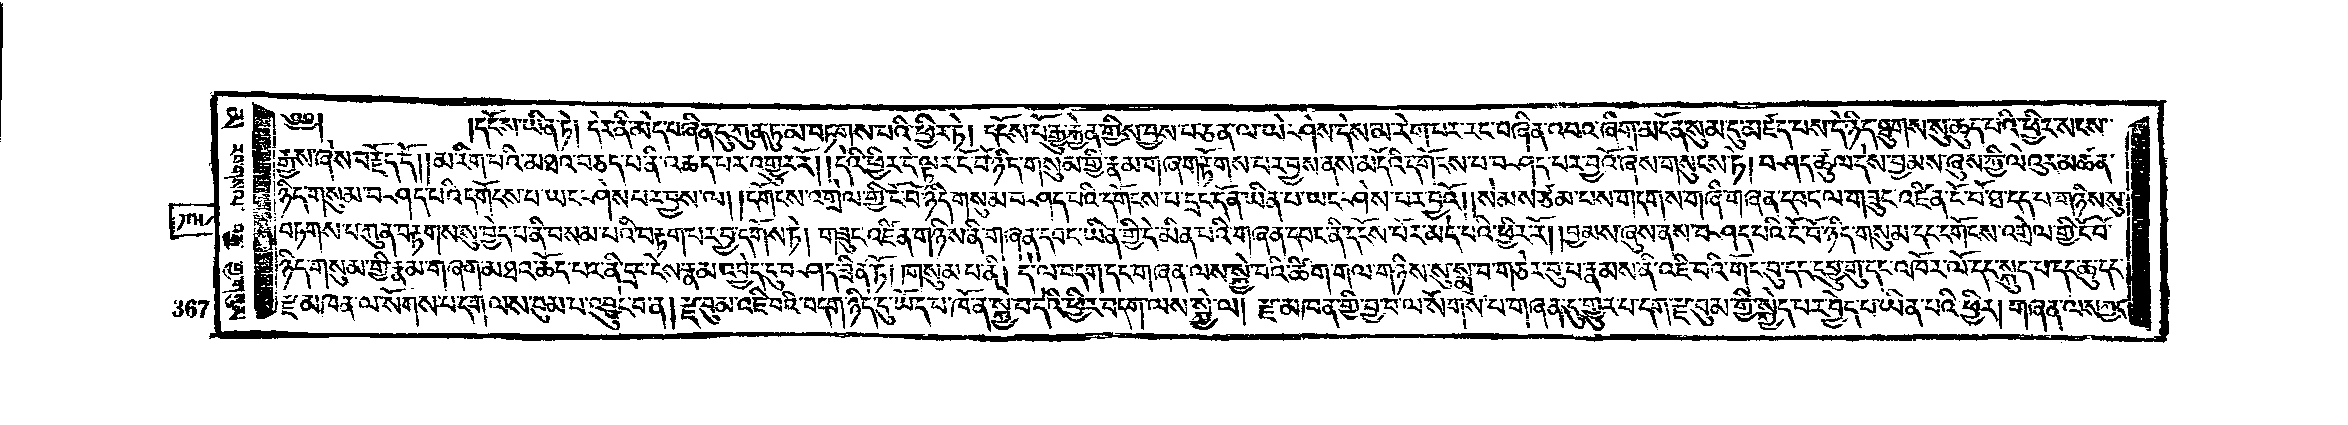༄༅། །དངོས་ཡིན་ཏེ། དེར་ནི་མེད་བཞིན་དུ་ཀུན་ཏུ་མ་བཏགས་པའི་ཕྱིར་ཏེ། དངོས་པོ་རྒྱུ་རྐྱེན་གྱིས་བྱས་པ་ཅན་ལ་ཡེ་ཤེས་དེས་མ་རེག་པར་རང་བཞིན་འབའ་ཞིག་མངོན་སུམ་དུ་མཛད་པས་དེ་ཉིད་ཐུགས་སུ་ཆུད་པའི་ཕྱིར་སངས་
རྒྱས་ཞེས་བརྗོད་དེ། །མ་རིག་པའི་མཐའ་བཅད་པ་ནི་འཆད་པར་འགྱུར་རོ། །དེའི་ཕྱིར་དེ་ལྟར་ངོ་བོ་ཉིད་གསུམ་གྱི་རྣམ་གཞག་རྟོགས་པར་བྱས་ནས་མདོའི་དགོངས་པ་བཤད་པར་བྱའོ་ཞེས་གསུངས་ཏེ། བཤད་ཚུལ་དེས་བྱམས་ཞུས་ཀྱི་ལེའུར་མཚན་
ཉིད་གསུམ་བཤད་པའི་དགོངས་པ་ཡང་ཤེས་པར་བྱས་ལ། །དགོངས་འགྲེལ་གྱི་ངོ་བོ་ཉིད་གསུམ་བཤད་པའི་དགོངས་པ་དྲང་དོན་ཡིན་པ་ཡང་ཤེས་པར་བྱའོ། །སེམས་ཙམ་པས་གདགས་གཞི་གཞན་དབང་ལ་གཟུང་འཛིན་ངོ་བོ་ཐ་དད་པ་གཉིས་སུ་
བཏགས་པ་ཀུན་བརྟགས་སུ་བྱེད་པ་ནི་བསམ་པའམ་བརྟག་པར་བྱ་དགོས་ཏེ། གཟུང་འཛིན་གཉིས་ནི་གཞན་དབང་ཡིན་གྱི་དེ་མིན་པའི་གཞན་དབང་ནི་དངོས་པོར་མེད་པའི་ཕྱིར་རོ། །བྱམས་ཞུས་ནས་བཤད་པའི་ངོ་བོ་ཉིད་གསུམ་དང་དགོངས་འགྲེལ་གྱི་ངོ་བོ་
ཉིད་གསུམ་གྱི་རྣམ་གཞག་མཐའ་ཆོད་པར་ནི་དྲང་ངེས་རྣམ་འབྱེད་དུ་བཤད་ཟིན་ཏོ། །གསུམ་པ་ནི། དེ་ལ་བདག་དང་གཞན་ལས་སྐྱེ་བའི་ཚིག་གལ་གཉིས་སུ་སྨྲ་བ་གཅེར་བུ་པ་རྣམས་ནི་འཇིམ་བའི་གོང་བུ་དང་དབྱུ་གུ་དང་འཁོར་ལོ་དང་སྐུད་པ་དང་ཆུ་དང་
རྫ་མཁན་ལ་སོགས་པ་དག་ལས་བུམ་པ་འབྱུང་བ་ན། རྫ་བུམ་འཇིམ་བའི་བདག་ཉིད་དུ་ཡོད་པ་ཁོ་ན་སྐྱེ་བ་དེའི་ཕྱིར་བདག་ལས་སྐྱེ་ལ། རྫ་མཁན་གྱི་བྱ་བ་ལ་སོགས་པ་གཞན་དུ་གྱུར་པ་དག་རྫ་བུམ་གྱི་སྐྱེད་པར་བྱེད་པ་ཡིན་པའི་ཕྱིར། གཞན་ལས་ཀྱང་